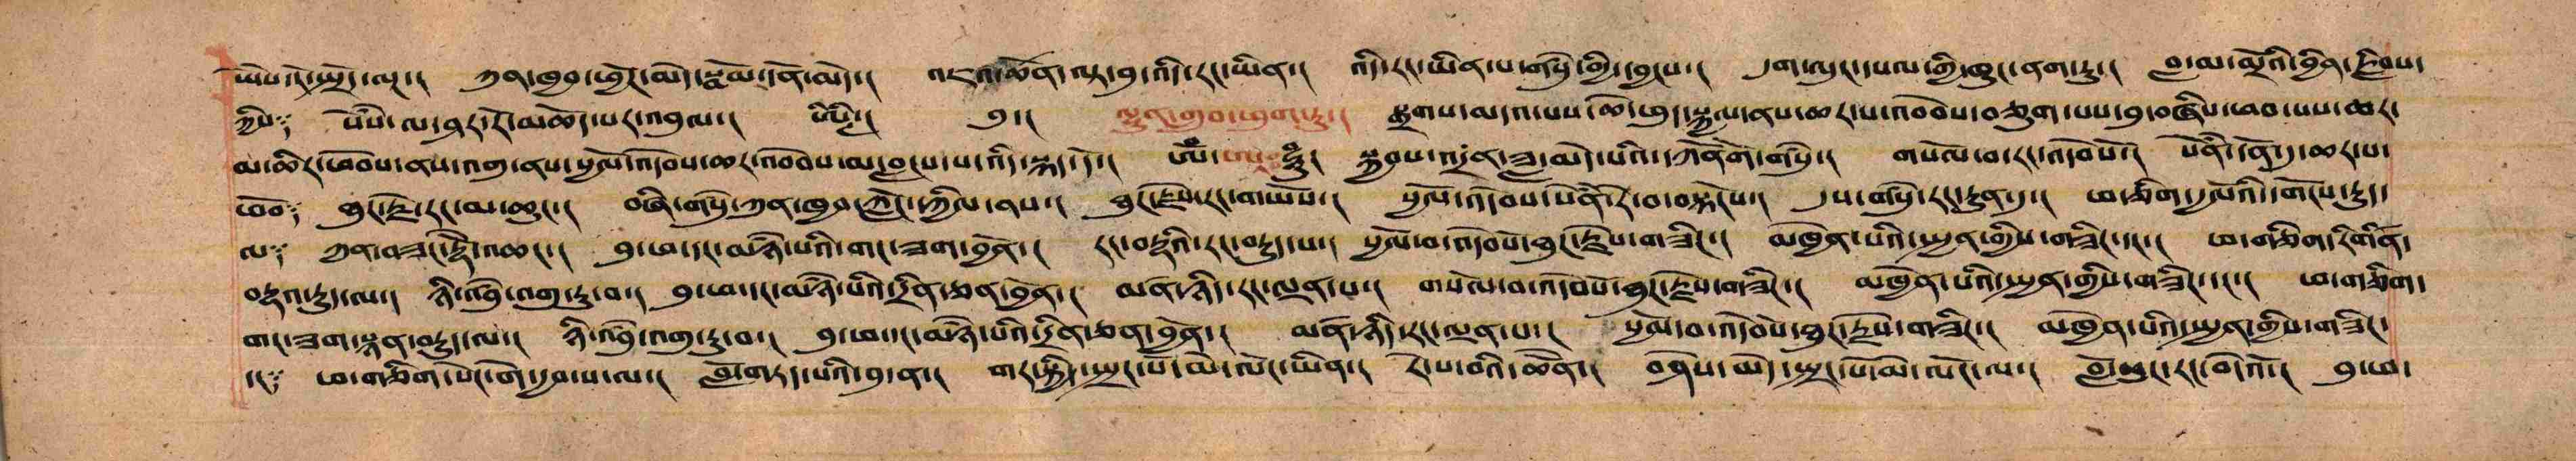ཡེ་ཤེས་ངོ་སྤྲོད་ལྔ། ཀུན་ཁྱབ་ཕྱོགས་མེད་སྦོམ་དོན་མེད། འཇའ་འཚོན་ལྟ་བུ་འདི་རང་ཡིན། འདི་རང་ཡིན་པ་གསུམ་གྱི་དབྱངས། དུག་ལུང་དཔལ་གྱི་ཁྱུང་ནག་ཏུ། བླ་མ་མཁའ་འགྲོའི་བྱིན་རླབས་
ཀྱིས༑ སེམས་ལ་ཤར་རོ་མཆོད་པར་འབུལ། ཨིཊི། ༄་། ལྷུན་གྲུབ་ཕུག་ཏུ། སྒྲགས་མདའ་པས་ཆེ་ཕུད་སྐྱལ་ནས་ཆར་པ་འབེབས་བཅུག་པས་བུ་བཞིས་ཕག་པས་ཆར་
མ་ཆིར་ཕོབས་ནས་འགུ་ནས་གསོལ་འདེབས་ཆར་འབེབས་མ་བླངས་པ་འདི་སྐད་དོ། ཨོཾ་ཨཿཧཱུཾ། སྐྱབས་འདྲན་ཟླ་མེད་པའི་དཀོན་མཆོག་གསུམ། གསོལ་བ་རང་འདེབས་སོ། སེམས་ཅན་དོན་དུ་ཆར་པ་
ཕོབ༑ ཐུགས་རྗེ་རང་མ་ཆུང་། བཞི་གསུམ་ཀུན་ཁྱབ་ཀློང་དཀྱིལ་ནས། ཐུགས་རྗེས་རང་གཡོས། གསོལ་འདེབས་སེམས་ཅན་རེ་བ་བསྐོངས། དུས་གསུམ་རང་རྒྱུན་དུ། ཕ་ཅིག་རྒྱལ་པོའི་དགོངས་རྒྱུད་
ལ༑། ཀུན་བཟང་རྡོ་རྗེ་འཆང་། བུ་ཕ་དང་མཉམ་པའི་གང་ཟག་བྱོན། རང་བརྡའི་རང་བདྱུད་པ། གསོལ་བ་འདེབས་སོ་ཐུགས་རྗེས་གཟིགས། མཁྱེན་པའི་སྤྱན་གྱིས་གཟིགས་དང་། ཕ་གཅིག་རིག་འཛིན་
བརྡའ་དྱུད་ལ། ཉི་འབུམ་འགུ་རུ་བ། བུ་ཕ་དང་མཉམ་པའི་དྲིན་ཅན་བྱོན། མཚན་ཉིད་རང་ལྡན་པ། གསོལ་བ་འདེབས་སོ་ཐུགས་རྗེས་གཟིགས། མཁྱེན་པའི་སྤྱན་གྱིས་གཟིགས་དང་། ཕ་གཅིག་
གང་ཟག་སྙན་བརྒྱུད་ལ། ཉི་འབུམ་འགུ་རུ་བ། བུ་ཕ་དང་མཉམ་པའི་དྲིན་ཅན་བྱོན། མཚན་ཉིད་རང་ལྡན་པ། གསོལ་བ་འདེབས་སོ་ཐུགས་རྗེས་གཟིགས། མཁྱེན་པའི་སྤྱན་གྱིས་གཟིགས་
དང་༑ ཕ་གཅིག་སེང་གེ་རྒྱབ་པ་ལ། བློ་གཏད་པའི་བུ་ན། གར་སྐྱིད་སྤྲང་པོ་མེ་ལོང་ཡིན། རེ་ས་བའི་ཆེན་པོ། བཤེས་མེད་སྤྲང་པོ་མེ་ལོང་ལ། བློ་ཆུང་རང་བདེའོ། བུ་ཕ